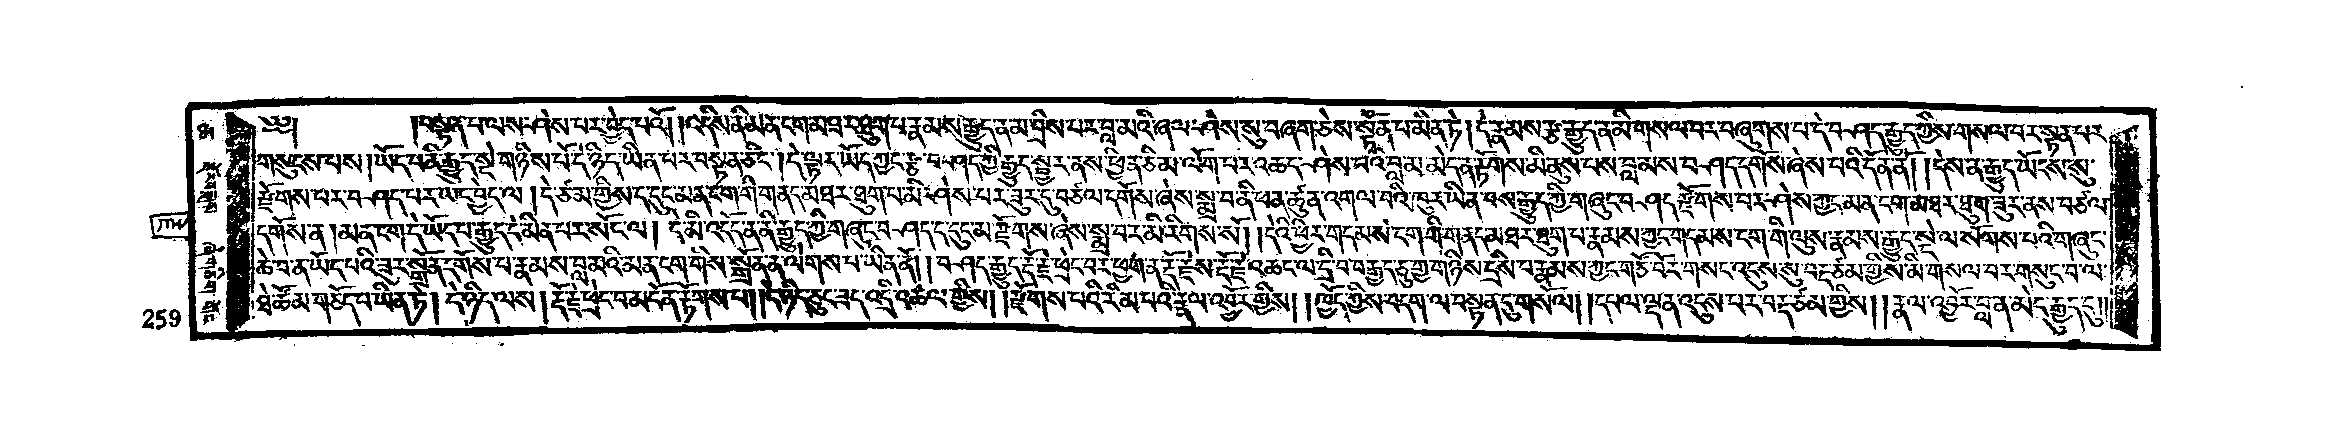༄༅། །བསྟན་པ་ལས་ཤེས་པར་བྱེད་པའོ། །འདིས་ནི་མན་ངག་མཐར་ཐུག་པ་རྣམས་རྒྱུད་ན་མ་བྲིས་པར་བླ་མའི་ཞལ་ཤེས་སུ་བཞག་ཅེས་སྟོན་པ་མིན་ཏེ། དེ་རྣམས་རྩ་རྒྱུད་ན་མི་གསལ་བར་བཞུགས་པ་དེ་བཤད་རྒྱུད་ཀྱིས་གསལ་བར་སྟན་པར་
གསུངས་པས། ཡོད་པ་ནི་རྒྱུད་སྡེ་གཉིས་པོ་དེ་ཉིད་ཡིན་པར་བསྟན་ཅིང་། དེ་ལྟར་ཡོད་ཀྱང་རྩ་བཤད་ཀྱི་རྒྱུད་སྦྱར་ནས་ཕྱིན་ཅི་མ་ལོག་པར་འཆད་ཤེས་པའི་བླ་མ་མེད་ན་རྟོགས་མི་ནུས་པས་བླ་མས་བཤད་དགོས་ཞེས་པའི་དོན་ནོ། །དེས་ན་རྒྱུད་ཡོངས་སུ་
རྫོགས་པར་བཤད་པར་ཡང་བྱེད་ལ། དེ་ཙམ་གྱིས་ད་དུང་མན་ངག་གི་གནད་མཐར་ཐུག་པ་མི་ཤེས་པར་ཟུར་དུ་བཙལ་དགོས་ཞེས་སྨྲ་བ་ནི་ཕན་ཚུན་འགལ་བའི་ཁུར་ཡིན་པས་རྒྱུད་ཀྱི་གཞུང་བཤད་རྫོགས་པར་ཤེས་ཀྱང་མན་ངག་མཐར་ཐུག་ཟུར་ནས་བཙལ་
དགོས་ན། མན་ངག་དེ་ཡོད་པ་རྒྱུད་དེ་མིན་པར་སོང་ལ། དེ་མི་འདོད་ན་ནི་རྒྱུད་ཀྱི་གཞུང་བཤད་ད་དུང་མ་རྫོགས་ཞེས་སྨྲ་བར་མི་རིགས་སོ། །དེའི་ཕྱིར་གདམས་ངག་གི་གནད་མཐར་ཐུག་པ་རྣམས་ཀྱང་གདམས་ངག་གི་ལུས་རྣམས་རྒྱུད་སྡེ་ལ་སོགས་པའི་གཞུང་
ཆེ་བ་ན་ཡོད་པའི་ཟུར་སྒྲོན་དགོས་པ་རྣམས་བླ་མའི་མན་ངག་གིས་སྒྲོན་ན་ལེགས་པ་ཡིན་ནོ། །བཤད་རྒྱུད་རྡོ་རྗེ་ཕྲེང་བར་ཕྱག་ན་རྡོ་རྗེས་རྡོ་རྗེ་འཆང་ལ་དྲི་བ་བརྒྱད་ཅུ་གྱ་གཉིས་དྲིས་པ་རྣམས་ཀྱང་གཙོ་བོར་གསང་འདུས་སུ་བརྡ་ཙམ་གྱིས་མི་གསལ་བར་གསུང་བ་ལ་ཐེ་ཚོམ་གཅོད་པ་ཡིན་ཏེ། དེ་ཉིད་ལས། རྡོ་རྗེ་ཕྲེང་བ་མངོན་རྟོགས་པ། །དེ་ཉིད་ཅུང་ཟད་འདྲི་འཚལ་གྱིས། །རྫོགས་པའི་རིམ་པའི་རྣལ་འབྱོར་གྱིས། །ཁྱོད་ཀྱིས་བདག་ལ་བསྟན་དུ་གསོལ། །དཔལ་ལྡན་འདུས་པར་བརྡ་ཙམ་གྱིས། །རྣལ་འབྱོར་བླ་ན་མེད་རྒྱུད་དུ། །